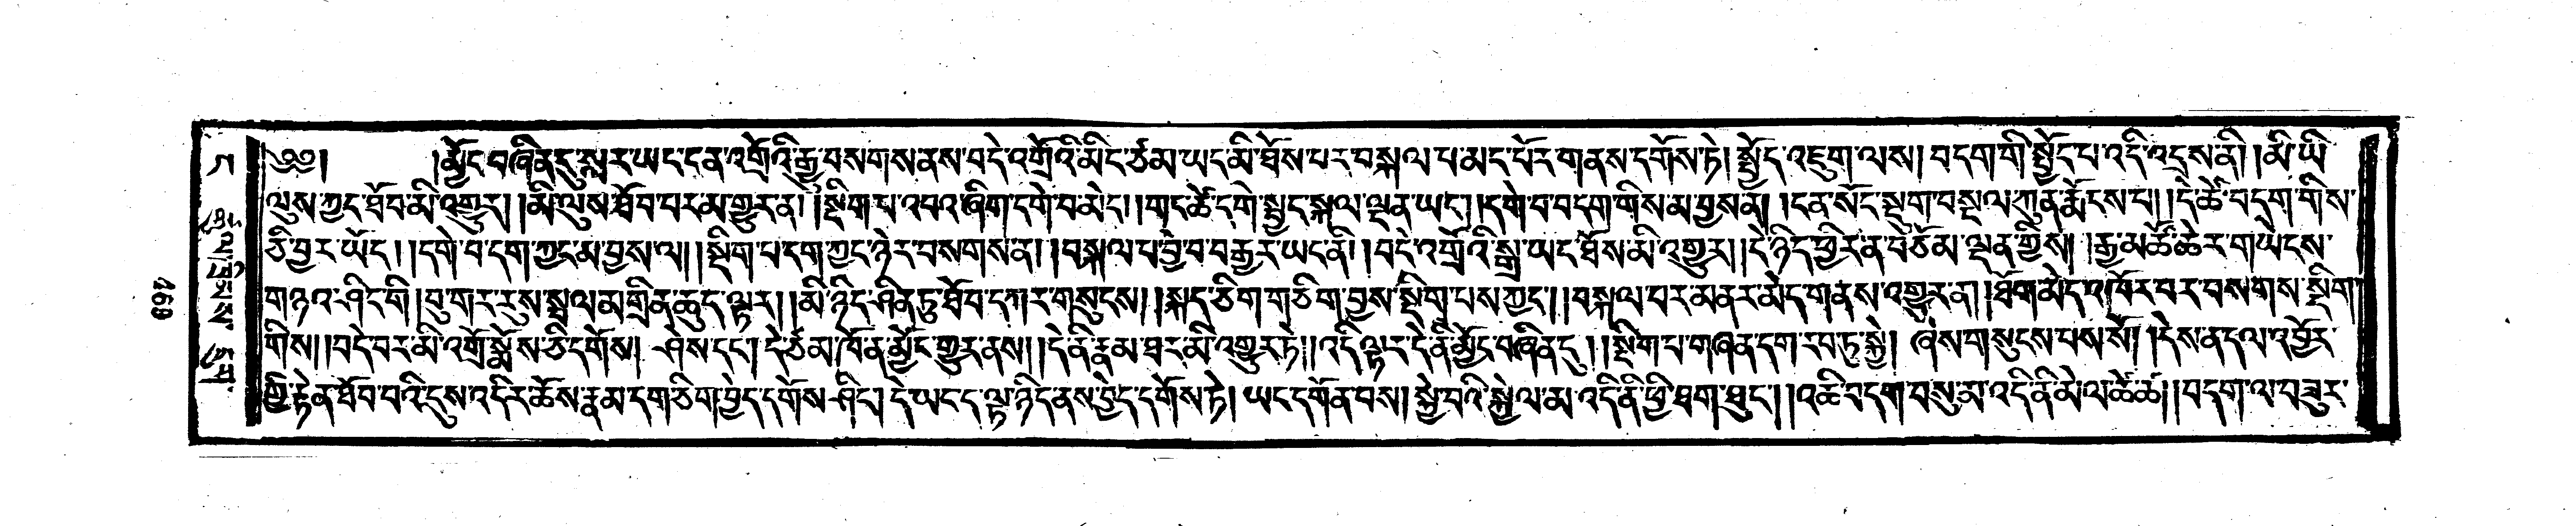༄༅། །མྱོང་བཞིན་དུ་སླར་ཡང་ངན་འགྲོའི་རྒྱུ་བསགས་ནས་བདེ་འགྲོའི་མིང་ཙམ་ཡང་མི་ཐོས་པར་བསྐལ་པ་མང་པོར་གནས་དགོས་ཏེ། སྤྱོད་འཇུག་ལས། བདག་གི་སྤྱོད་པ་འདི་འདྲས་ནི། །མི་ཡི་
ལུས་ཀྱང་ཐོབ་མི་འགྱུར། །མི་ལུས་ཐོབ་པར་མ་གྱུར་ན། །སྡིག་པ་འབའ་ཞིག་དགེ་བ་མེད། །གང་ཚེ་དགེ་སྤྱད་སྐལ་ལྡན་ཡང་། །དགེ་བ་བདག་གིས་མ་བྱས་ན། །ངན་སོང་སྡུག་བསྔལ་ཀུན་རྨོངས་པ། །དེ་ཚེ་བདག་གིས་
ཅི་བྱར་ཡོད། །དགེ་བ་དག་ཀྱང་མ་བྱས་ལ། །སྡིག་པ་དག་ཀྱང་ཉེར་བསགས་ན། །བསྐལ་པ་བྱེ་བ་བརྒྱར་ཡང་ནི། །བདེ་འགྲོའི་སྒྲ་ཡང་ཐོས་མི་འགྱུར། །དེ་ཉིད་ཕྱིར་ན་བཅོམ་ལྡན་གྱིས། །རྒྱ་མཚོ་ཆེར་གཡེངས་
གཉའ་ཤིང་གི །བུ་གར་རུས་སྦལ་མགྲིན་ཆུད་ལྟར། །མི་ཉིད་ཤིན་ཏུ་ཐོབ་དཀར་གསུངས། །སྐད་ཅིག་གཅིག་བྱས་སྡིག་པས་ཀྱང་། །བསྐལ་པར་མནར་མེད་གནས་འགྱུར་ན། །ཐོག་མེད་འཁོར་བར་བསགས་སྡིག་
གིས། །བདེ་བར་མི་འགྲོ་སྨོས་ཅི་དགོས། ཤེས་དང་། དེ་ཙམ་ཁོ་ན་མྱོང་གྱུར་ནས། །དེ་ནི་རྣམ་ཐར་མི་འགྱུར་ཏེ། །འདི་ལྟར་དེ་ནི་མྱོང་བཞིན་དུ། །སྡིག་པ་གཞན་དག་རབ་ཏུ་སྐྱེ། ཞེས་གསུངས་པས་སོ། །དེས་ན་དལ་འབྱོར་
གྱི་རྟེན་ཐོབ་པའི་དུས་འདིར་ཆོས་རྣམ་དག་ཅིག་བྱེད་དགོས་ཤིང་། དེ་ཡང་ད་ལྟ་ཉིད་ནས་བྱེད་དགོས་ཏེ། ཡང་དགོན་པས། སྐྱེ་བའི་སྐྱེལ་མ་འདི་ནི་ཕྱི་ཐག་ཐུང་། །འཆི་བ་དང་། བསུ་མ་འདི་ནི་མེལ་ཚེ་ཚ། །བདག་ལ་བཟུར་